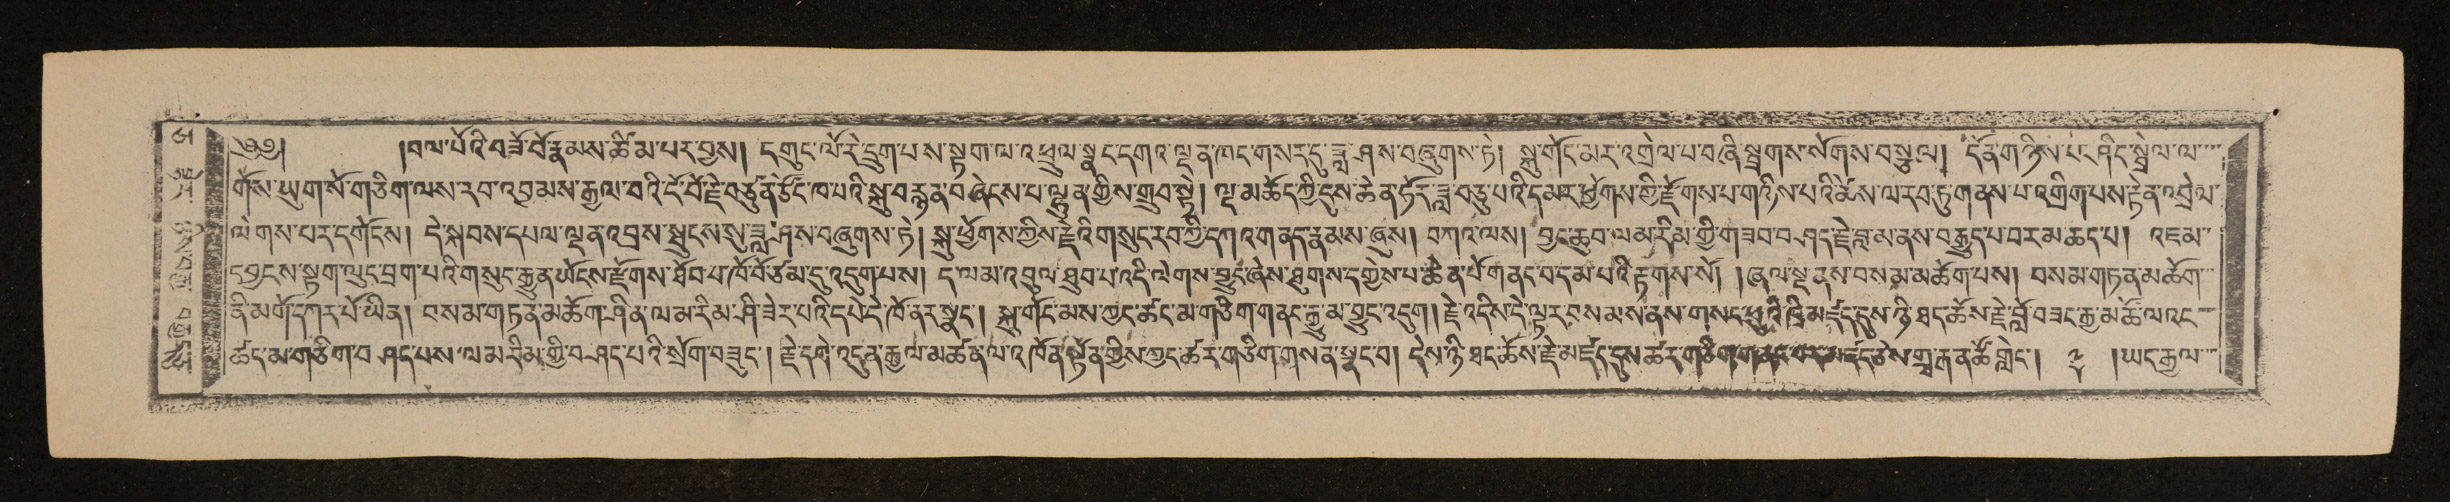༄༅། །བལ་པོའི་བཟོ་པོ་རྣམས་ཚིམ་བར་བྱས། དགུང་ལོ་རེ་དྲུག་པས་སྟག་ལ་འཕྲུལ་སྣང་དགའ་ལྡན་ཁང་གསར་དུ་ཟླ་ཤས་བཞུགས་ཏེ། སྐུ་གོང་མར་འགྲེལ་པ་བཞི་སྦྲགས་སོགས་བསྩལ། དོན་གཉིས་པ་ཤིང་སྤྲེལ་ལ་
གོས་ཡུག་སོ་གཅིག་ལས་རབ་འབྱམས་རྒྱལ་བའི་ངོ་བོ་རྗེ་བཙུན་ཙོང་ཁ་བའི་སྐུ་བརྙན་བཞེངས་པ་ལྷུན་གྱིས་གྲུབ་སྟེ། ལྔ་མཆོད་ཀྱི་དུས་ཆེན་ཧོར་ཟླ་བཅུ་པའི་དམར་ཕྱོགས་ཀྱི་རྫོགས་པ་གཉིས་པའི་ཚེས་ལ་རབ་ཏུ་གནས་པ་འགྲིག་པས་རྟེན་འབྲེལ་
ལེགས་པར་དགོངས། དེ་སྐབས་དཔལ་ལྡན་འབྲས་སྤུངས་སུ་ཟླ་ཤས་བཞུགས་ཏེ། སྐུ་ཕྱོགས་ཀྱིས་རྗེའི་གསུང་རབ་ཀྱི་དཀའ་གནད་རྣམས་ཞུས། བཀའ་ལས། བྱང་ཆུབ་ལམ་རིམ་གྱི་གཟབ་བཤད་རྗེ་བླ་མ་ནས་བརྒྱུད་པ་བར་མ་ཆད་པ། འཇམ་
དབྱངས་སྟག་ལུང་བྲག་པའི་གསུང་རྒྱུན་ཡོངས་རྫོགས་ཐོབ་པ་ཁོ་བོ་ཙམ་དུ་འདུག་པས། ད་ལམ་འབུལ་ཐུབ་པ་འདི་ལེགས་བྱུང་ཞེས་ཐུགས་དགྱེས་པ་ཆེན་པོ་གནང་བ་དམ་པའི་རྟགས་སོ། །ཞལ་སྔ་ནས་བསམ་མཆོག་པས། བསམ་གཏན་མཆོག་
ནི་མགོ་དཀར་པོ་ཡིན། བསམ་གཏན་མཆོག་ཤིན་ལམ་རིམ་ཤི་ཟེར་བའི་དཔེ་དེ་ཁོ་ནར་སྣང་། སྐུ་གོང་མས་ཀྱང་ཚང་མ་གཅིག་གནང་རྒྱུ་མ་བྱུང་འདུག །རྗེ་འདིས་དེ་ལྟར་བསམས་ནས་གསང་ཕུའི་ཁྲི་མཛད་དུས་ཉི་ཐང་ཆོས་རྗེ་བློ་བཟང་རྒྱ་མཚོ་ལའང་
ཚང་མ་གཅིག་བཤད་པས་ལམ་རིམ་གྱི་བཤད་པའི་སྲོག་བཟུང་། རྗེ་དགེ་འདུན་རྒྱལ་མཚན་ལ་འཁོན་སྟོན་གྱིས་ཀྱང་ཚར་གཅིག་གསན་སྣང་བ། དེས་ཉི་ཐང་ཆོས་རྗེ་མཛད་དུས་ཚར་གཅིག་གནང་བར་མཛད་ཅེས་གྲྭ་རྒན་ཚོ་གླེང་། ༈ །ཡང་རྒྱལ་